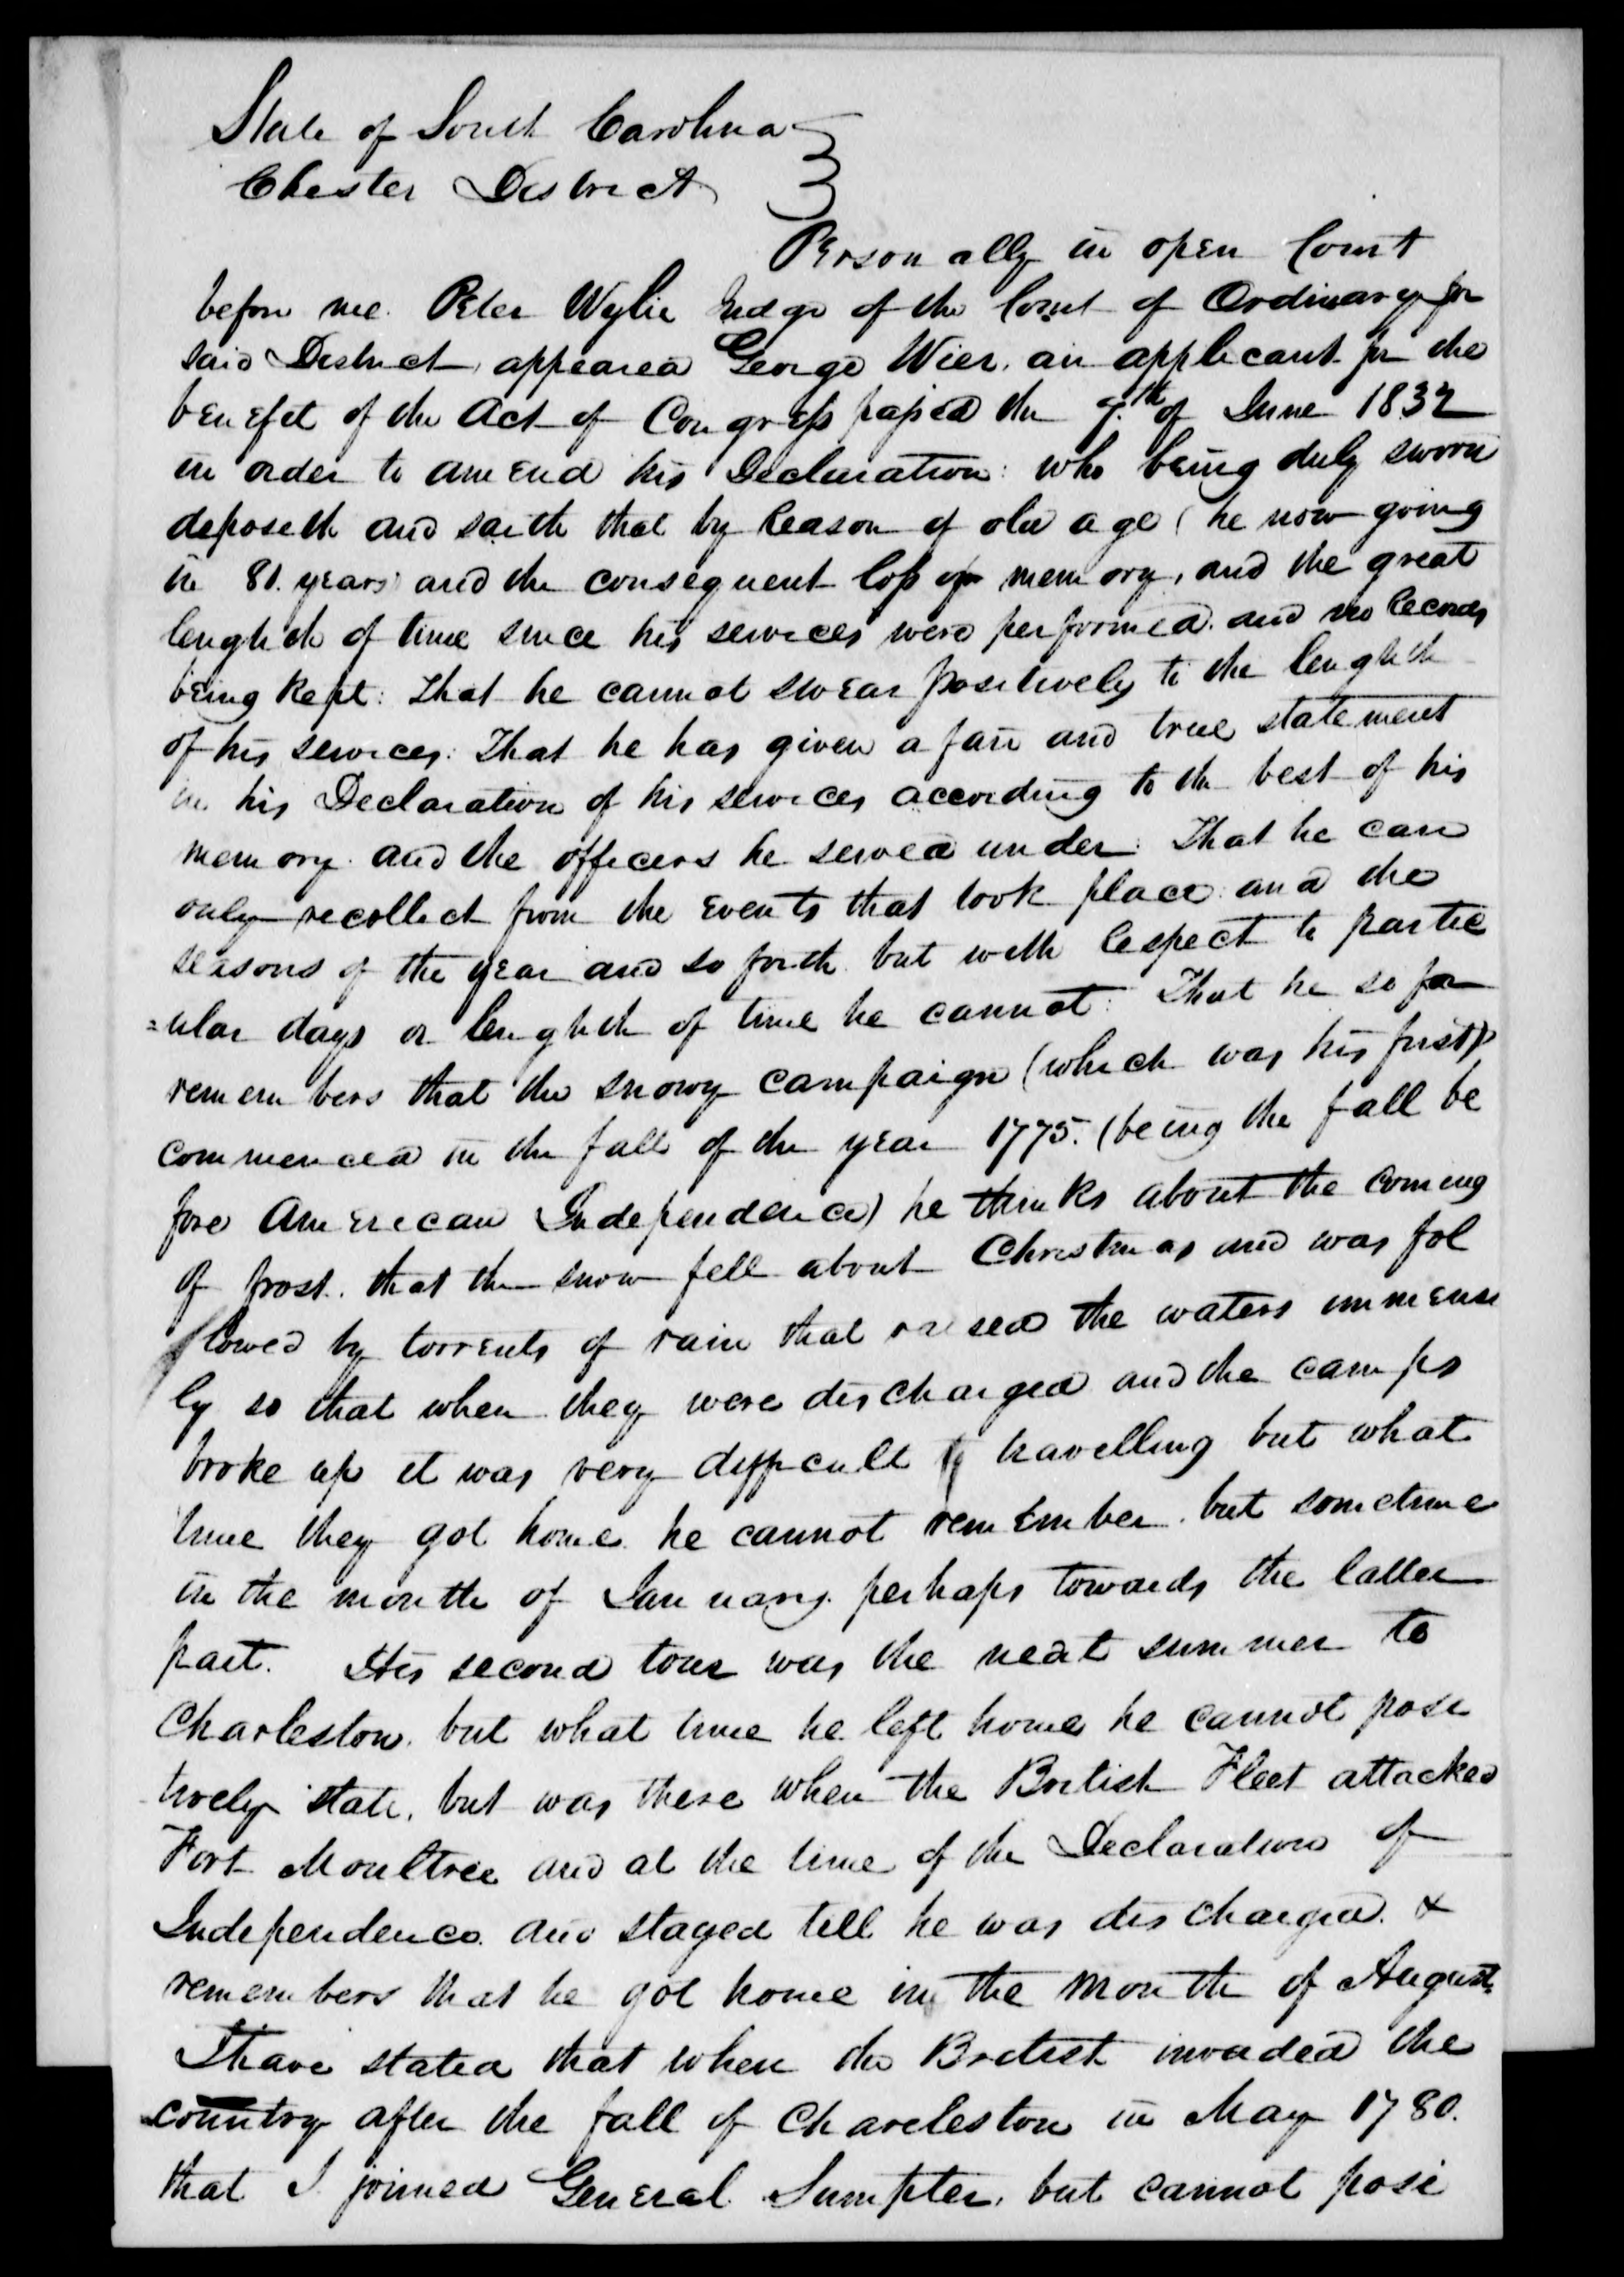State of South Carolina
Chester District
Personally in open Court before me Peter Wylie Judge of the Court of Ordinary for said District, appeared George Wier, an applicant for the benefit of the act of Congress passed the 7th of June 1832 in order to amend his declaration who being duly sworn deposeth and saith that by reason of old age he now going in 81 years; and the consequent loss of memory, and the great length of time since his services were performed, and no record being kept. That he cannot swear positively to the length of his services. That he has given a fair and true statement in his Declaration of his services according to the best of his memory and the officers he served under that he can only recollect from the events that took place and the seasons of the year and so forth but with respect to particular day or length of time he cannot. That he so remembers that the snowy Campaign (which was his first) 
commenced in the fall of the year 1775, (being the fall before American Independence) he thinks about the coming of frost that the same fell about Christmas and was followed by torrents of rain that raised the waters immensely so that when they were discharged and the camps broke up it was very difficult to travelling but what time they got home he cannot remember but sometime in the month of January perhaps towards the latter part. His second tour was the next summer to Charleston but what time he left home he cannot positively state, but was there when the British Fleet attacked Fort Moultrie and at the time of the declaration of Independence and stayed till he was discharged &
remembers that he got home in the month of August I have stated that when the British invaded the
country after the fall of Charleston in May 1780 that I joined General Sumpter, but cannot posi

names: George Wier, Sumpter, Peter Wylie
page: 8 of 22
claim: survivor's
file: S. 9528, George Weir, S.C.